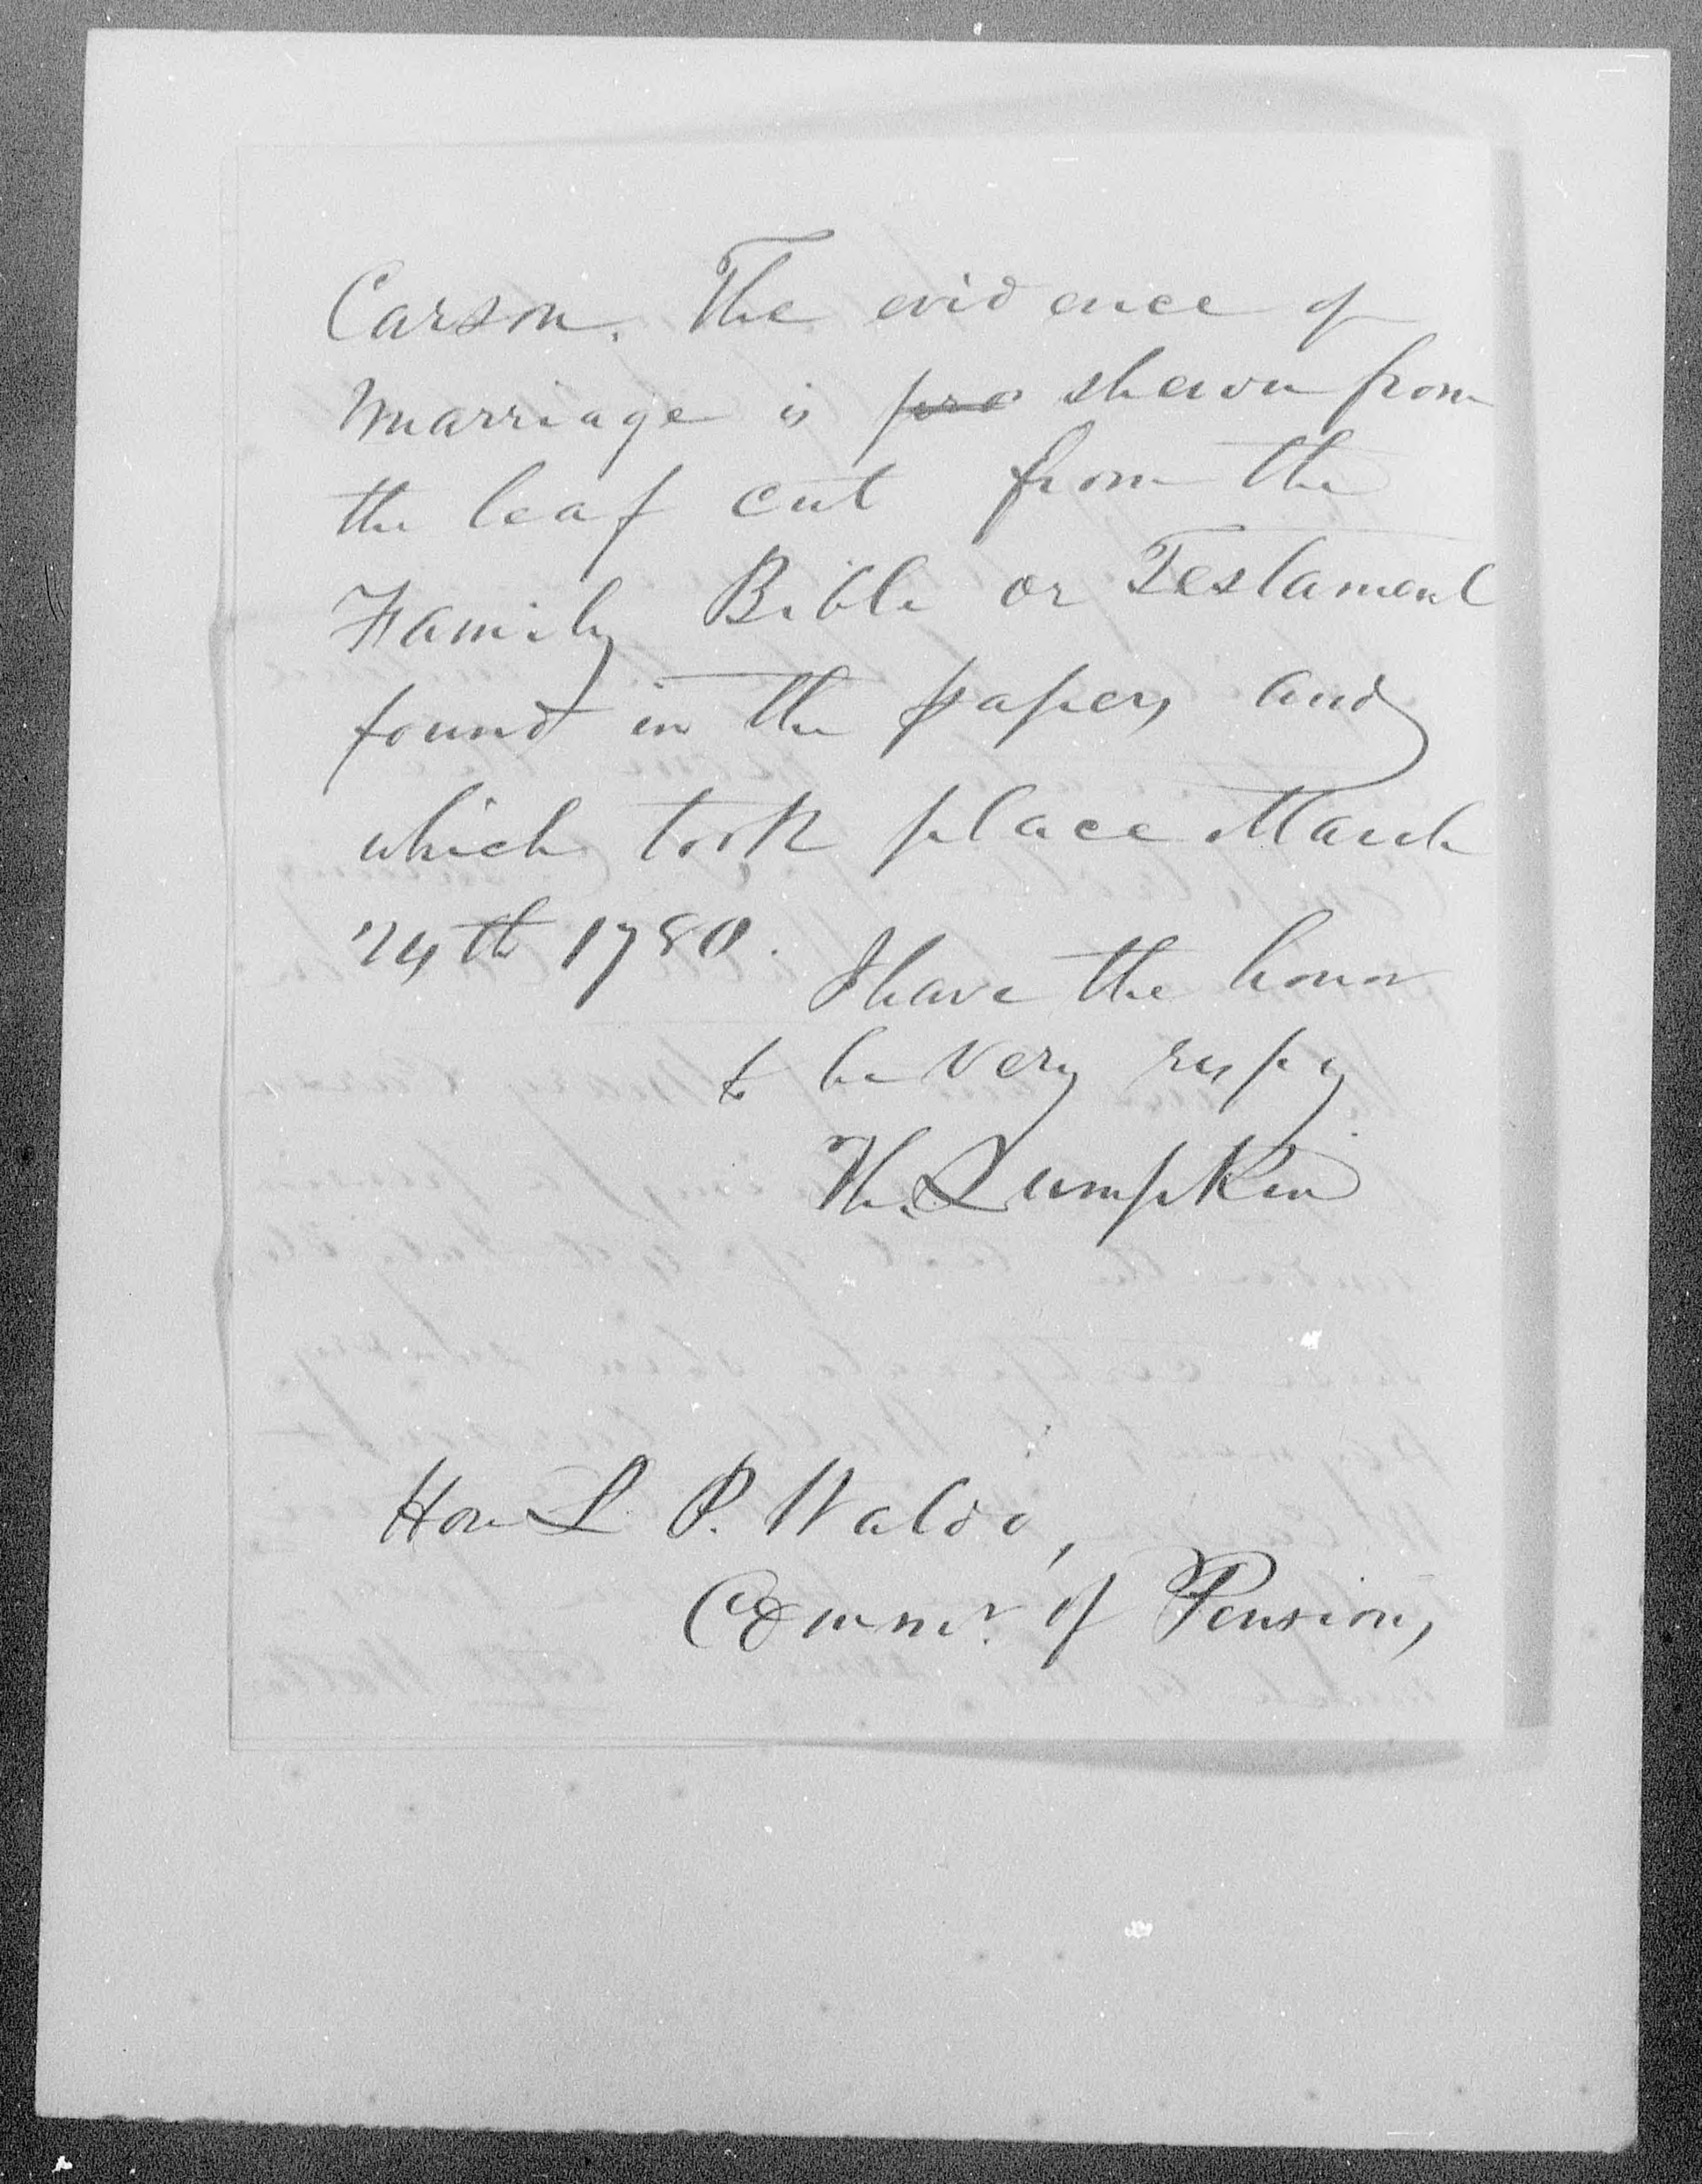Carson. The evidence of marriage is shown from the leaf cut from the Family Bible or Testament found in the papers and which took place March 24th 1780.
I have the honor to be very respy. 
Ths. Lumpkin

Hon. L.P. Waldo
Commr. of Pensions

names: Ths Lumpkin, Carson, L P Waldo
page: 30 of 34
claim: rejected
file: R. 1,738, Walter Carson, N.C. S.C.